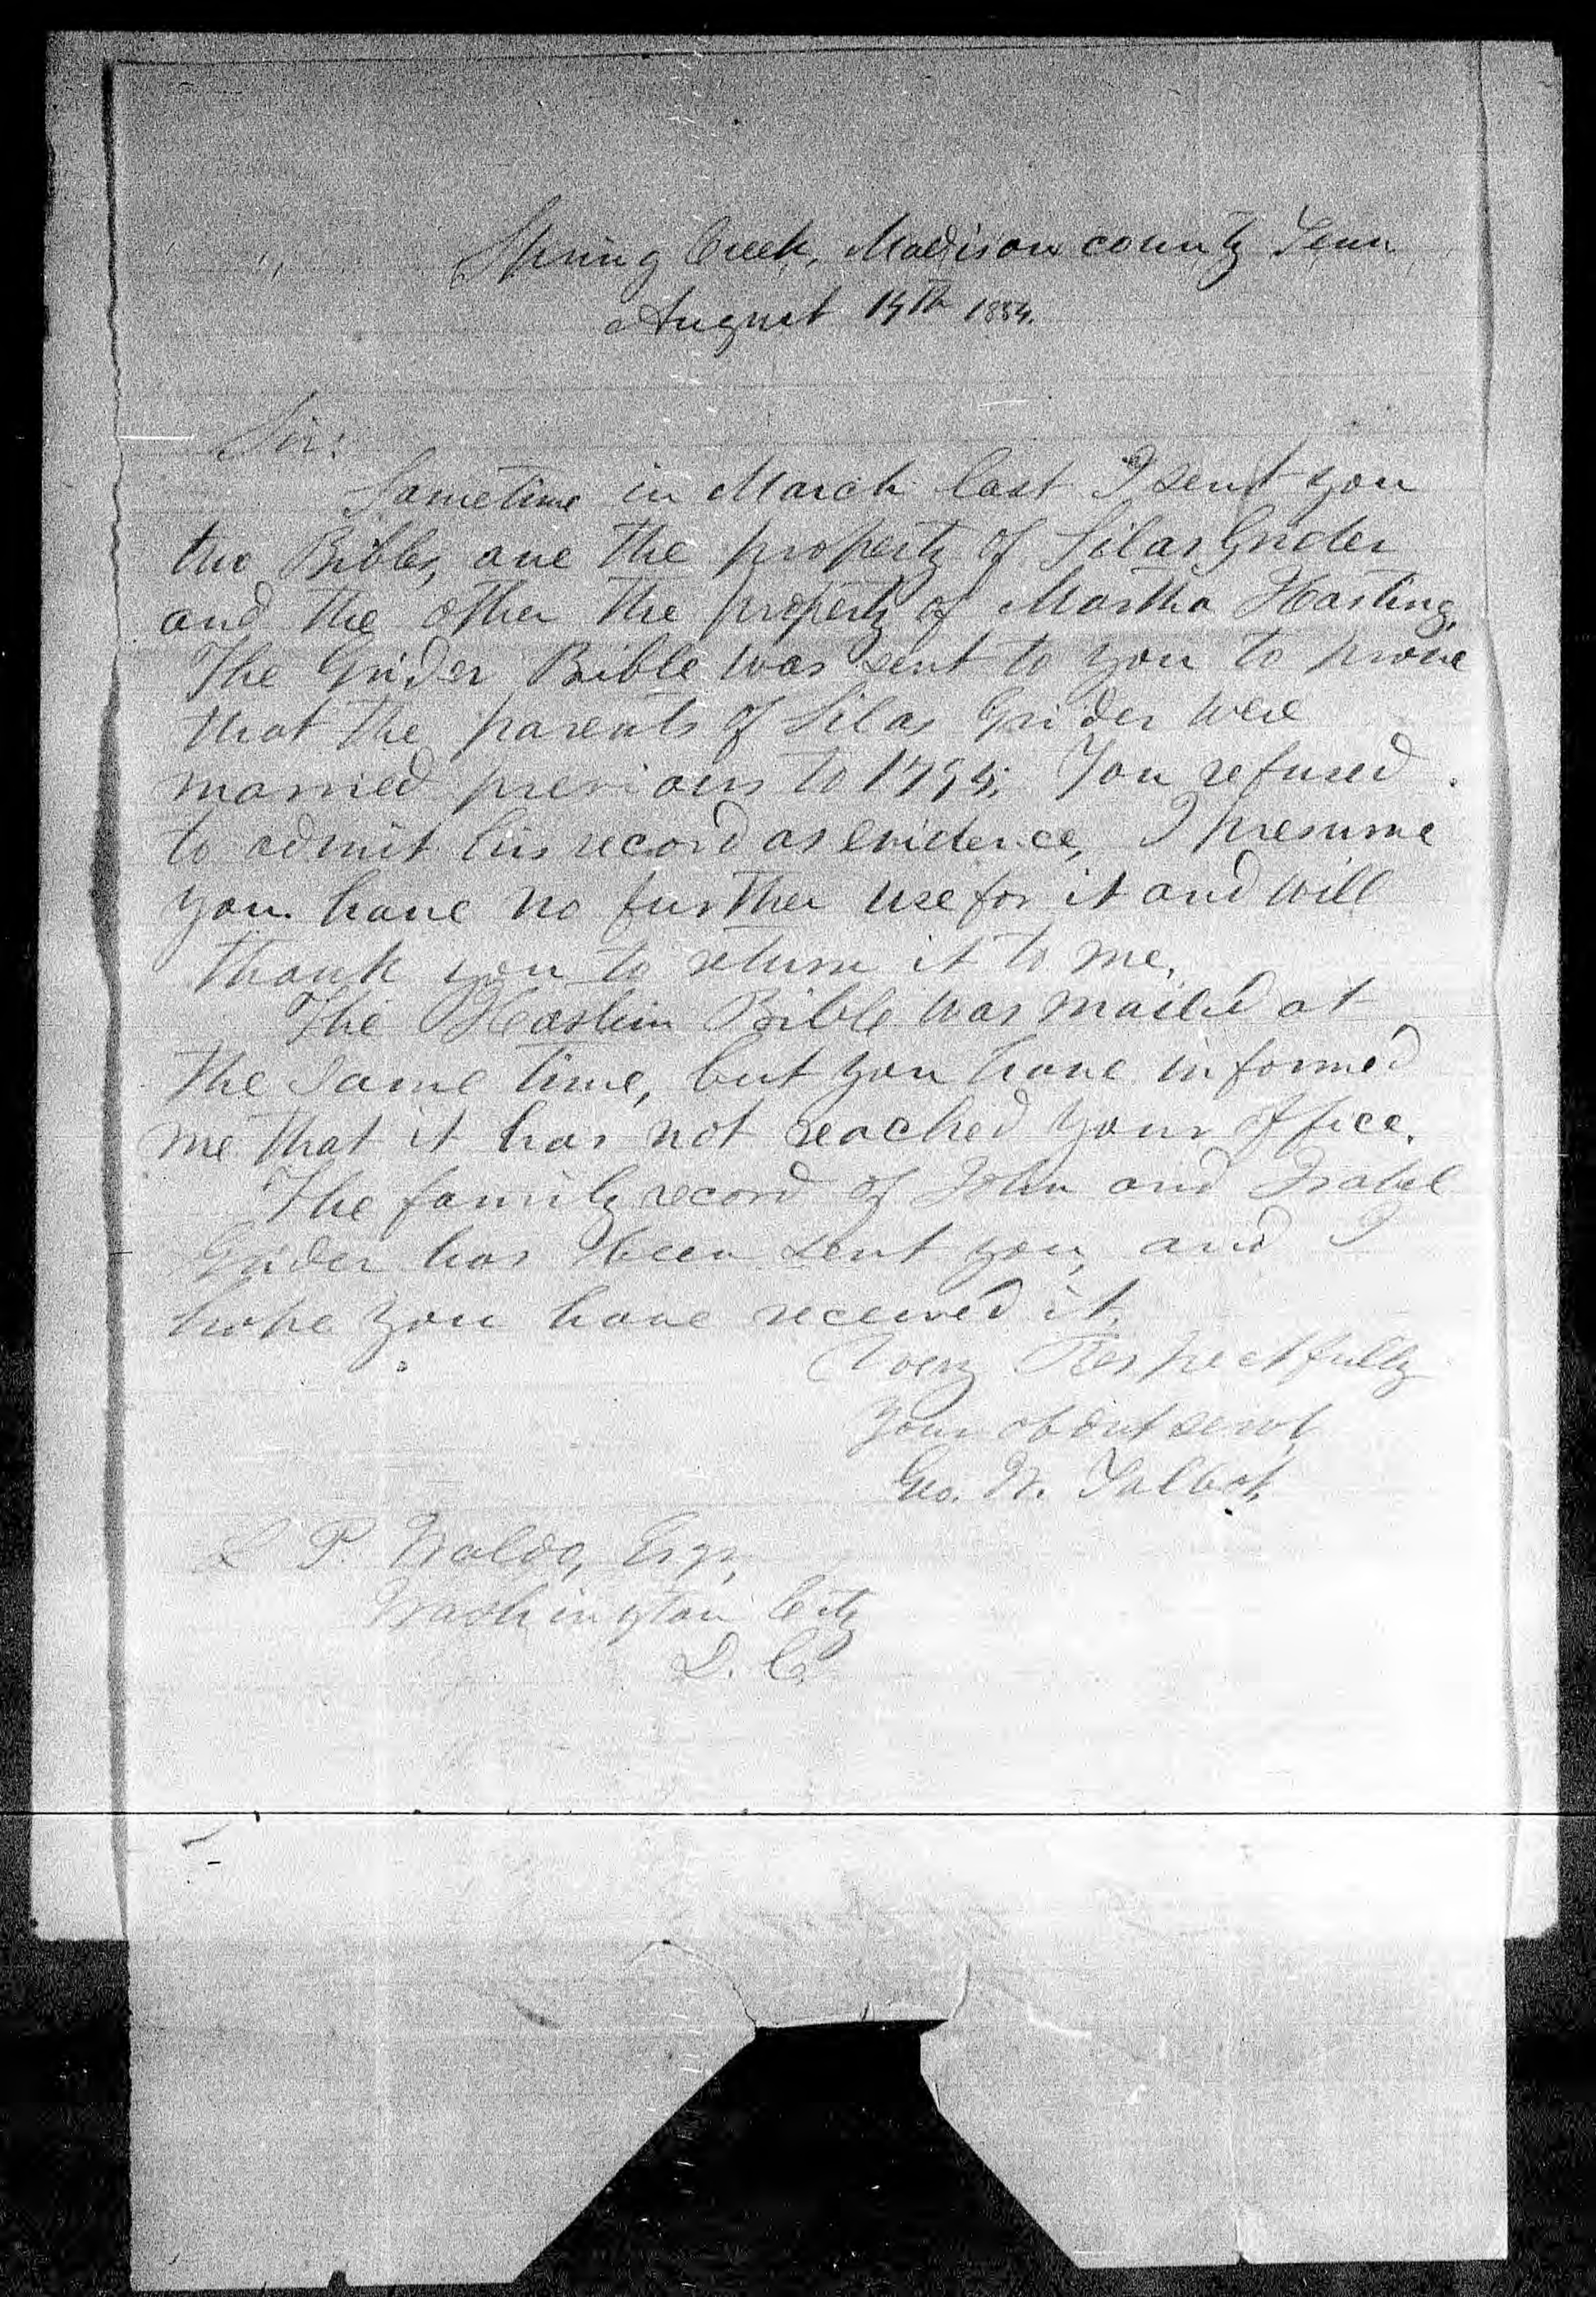Spring Creek, Madison County, Tenn.
August 15th 1883

Sir
Sometime in March last I sent you two Bibles, one the property of Silas Grider and the other the property of Martha Hasting. The Grider Bible was sent to you to prove that the parents of Silas Grider were married previous to 1794; You refused to admit his record as evidence, I presume you have no further use for it and will thank you to return it to me.
The Hastin Bible was mailed at the same time, but you have informed me that it has not reached your office.
The family record of John and Isable Grider has been sent to you and I hope you have received it. 
Yours Respectfully
Your Obednt servt
Geo. W. Talbot

L.P. Waldo
Washington City
DC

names: Martha Hasting, Geo W Talbot, Isabel Grider, Silas Grider, Grider, Hastein, L P Waldo, Silas Grider, John Grider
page: 72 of 91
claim: widow's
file: W 358, John Grider, N.C.